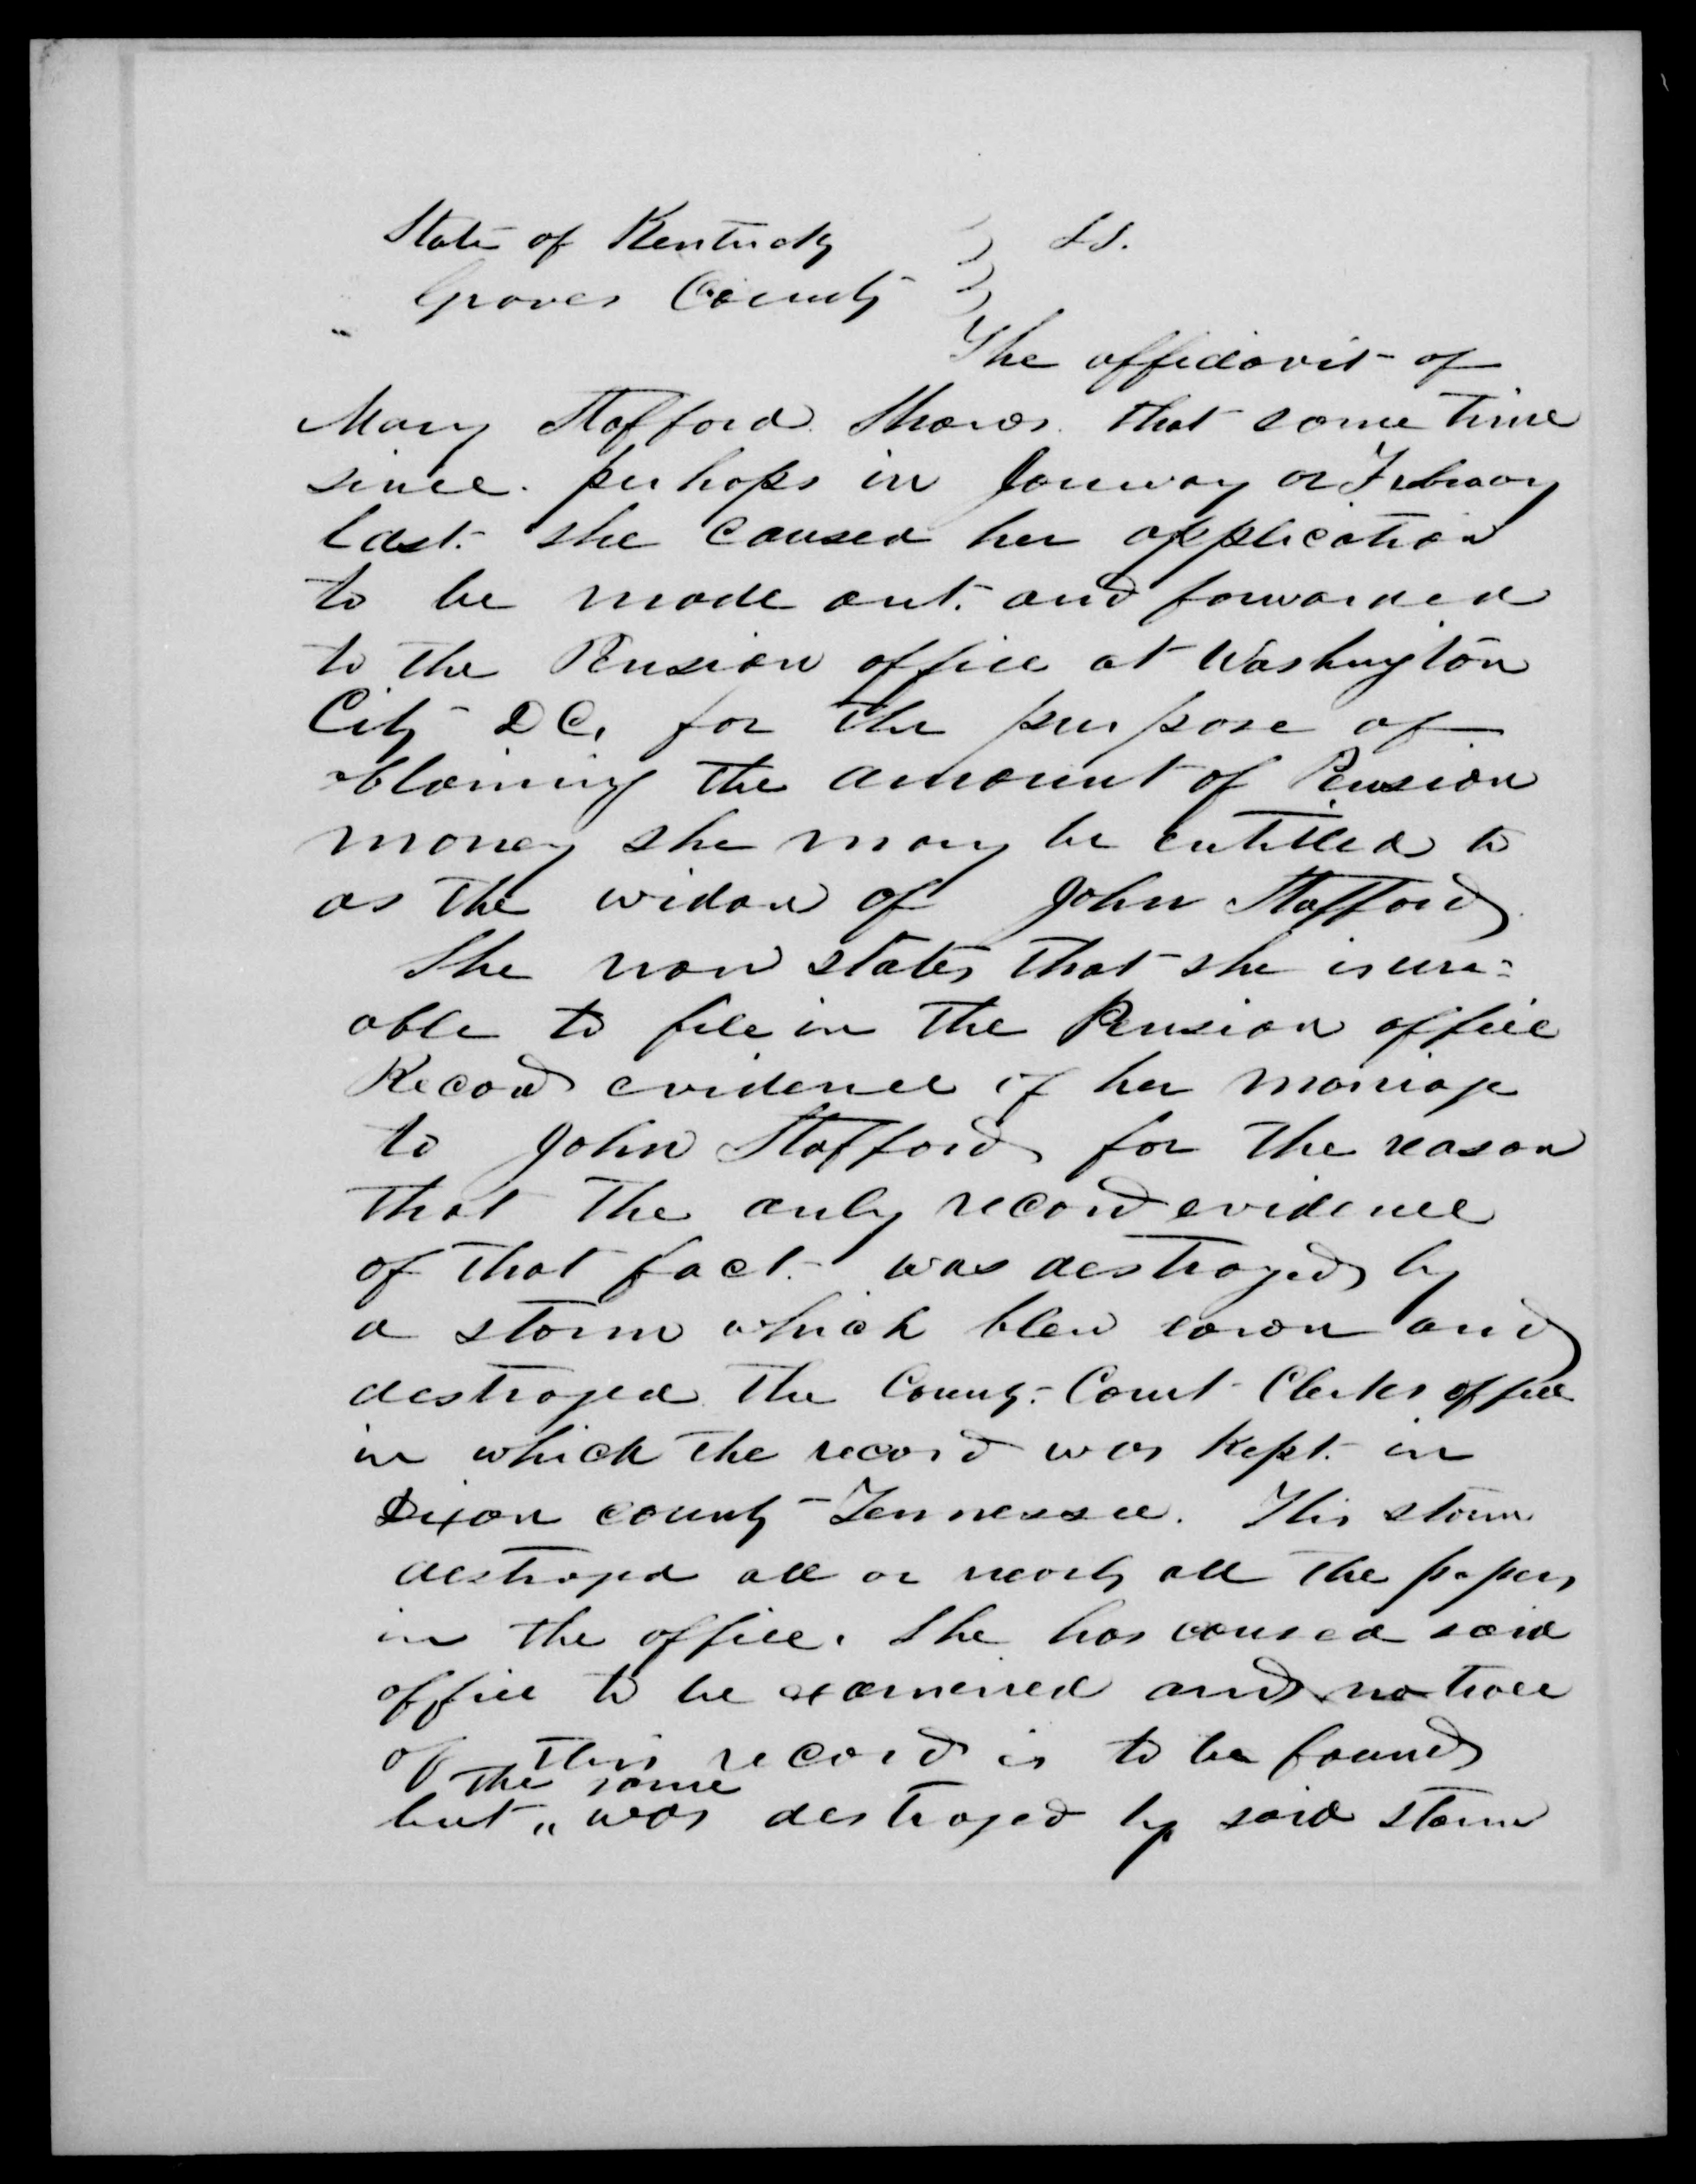State of Kentucky	} Seal.
Graves County 	}

	The affidavit of Mary Stafford shows that some time since perhaps in January or February last she caused her application to be made out and forwarded to the Pension office at Washington City D.C. for the purpose of claiming the amount of Pension money she may be entitled to as the widow of John Stafford.
	She now states that she is unable to file in the Pension office Record evidence of her marriage to John Stafford for the reason that the only record evidence of that fact was destroyed by a storm which blew over and destroyed the County Court Clerk’s office in which the record was kept in Dixon county Tennessee. This storm destroyed all or nearly all the papers in the office. She has caused said office to be examined and notice of this record is to be found but none[?] was destroyed by said storm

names: John Stafford; John Stafford; Mary Stafford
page: 26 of 61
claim: widow's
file: W. 11554, for John Stafford, Maryland